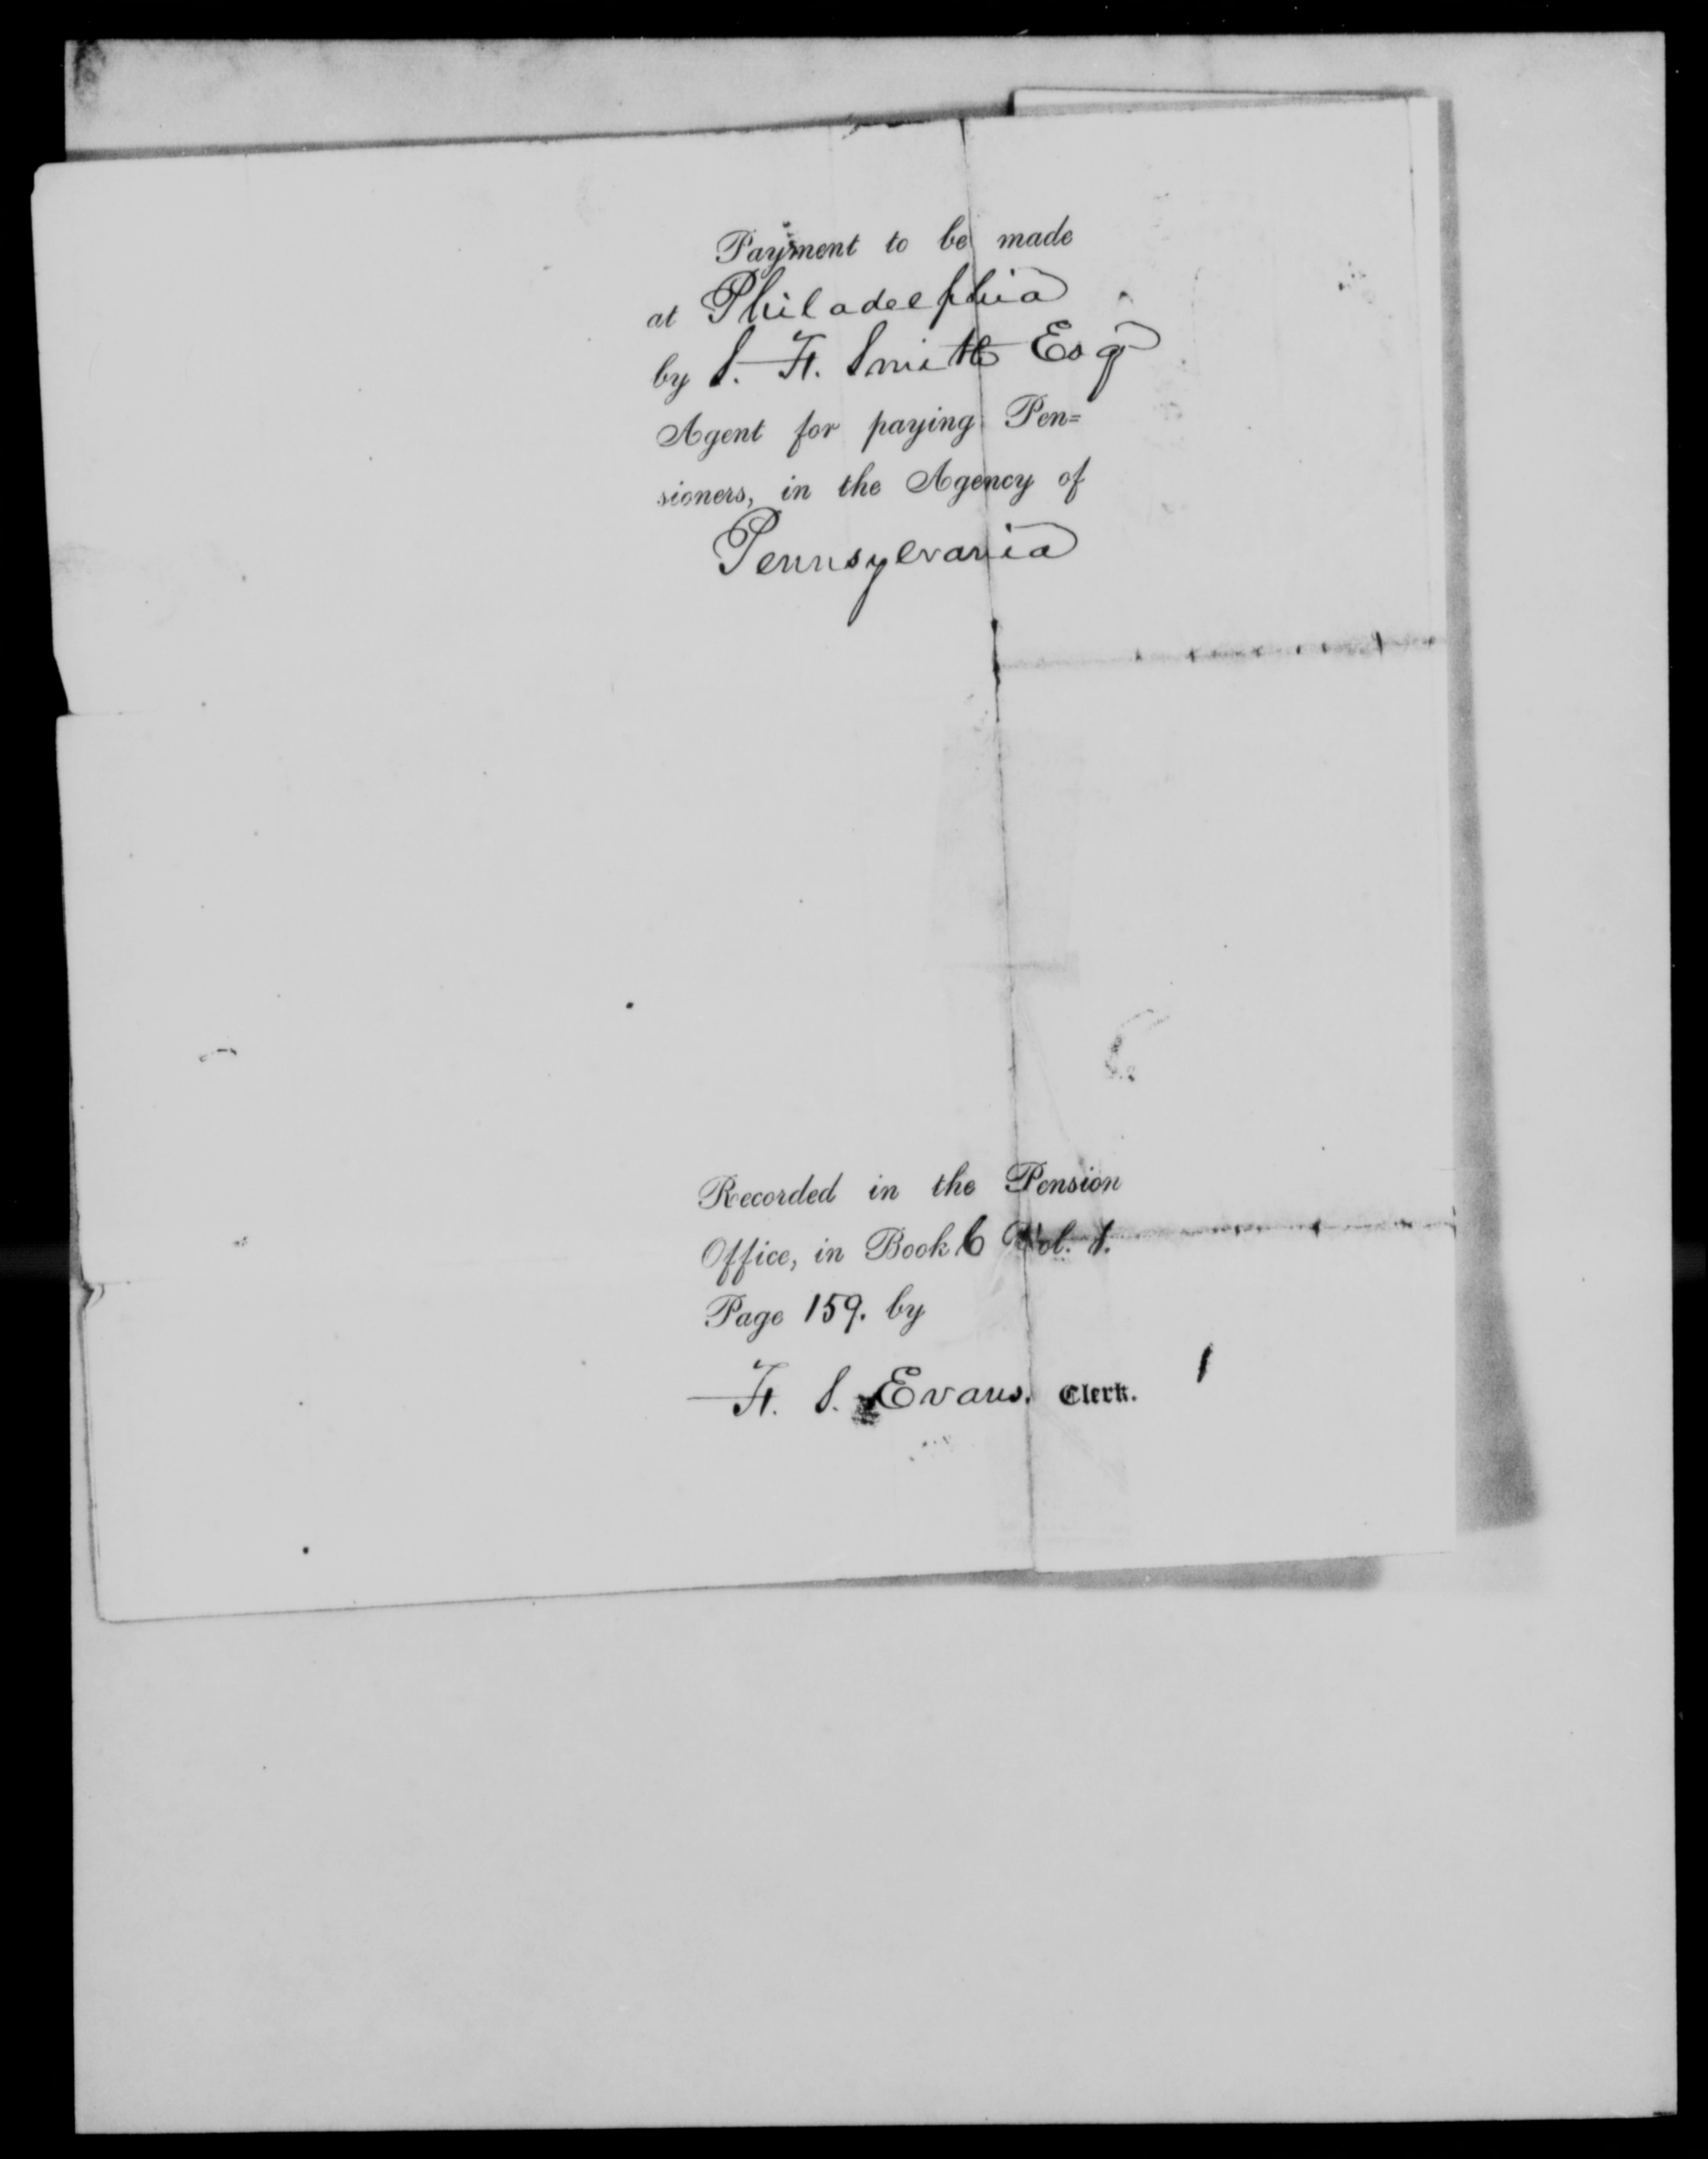Payment to be made
At Philadelphia
By S. F Smith Esq
Agent for paying Pen-
sioners, in the Agency of
Pennsylvania

Recorded in the Pension
Office, in Book 6[illegible]
Page 159, by
F. S. Evans Clerkl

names: S F Smith; F S Evans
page: 48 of 73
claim: widow's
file: W. 3197, for Peter Stillwagon, New Jersey